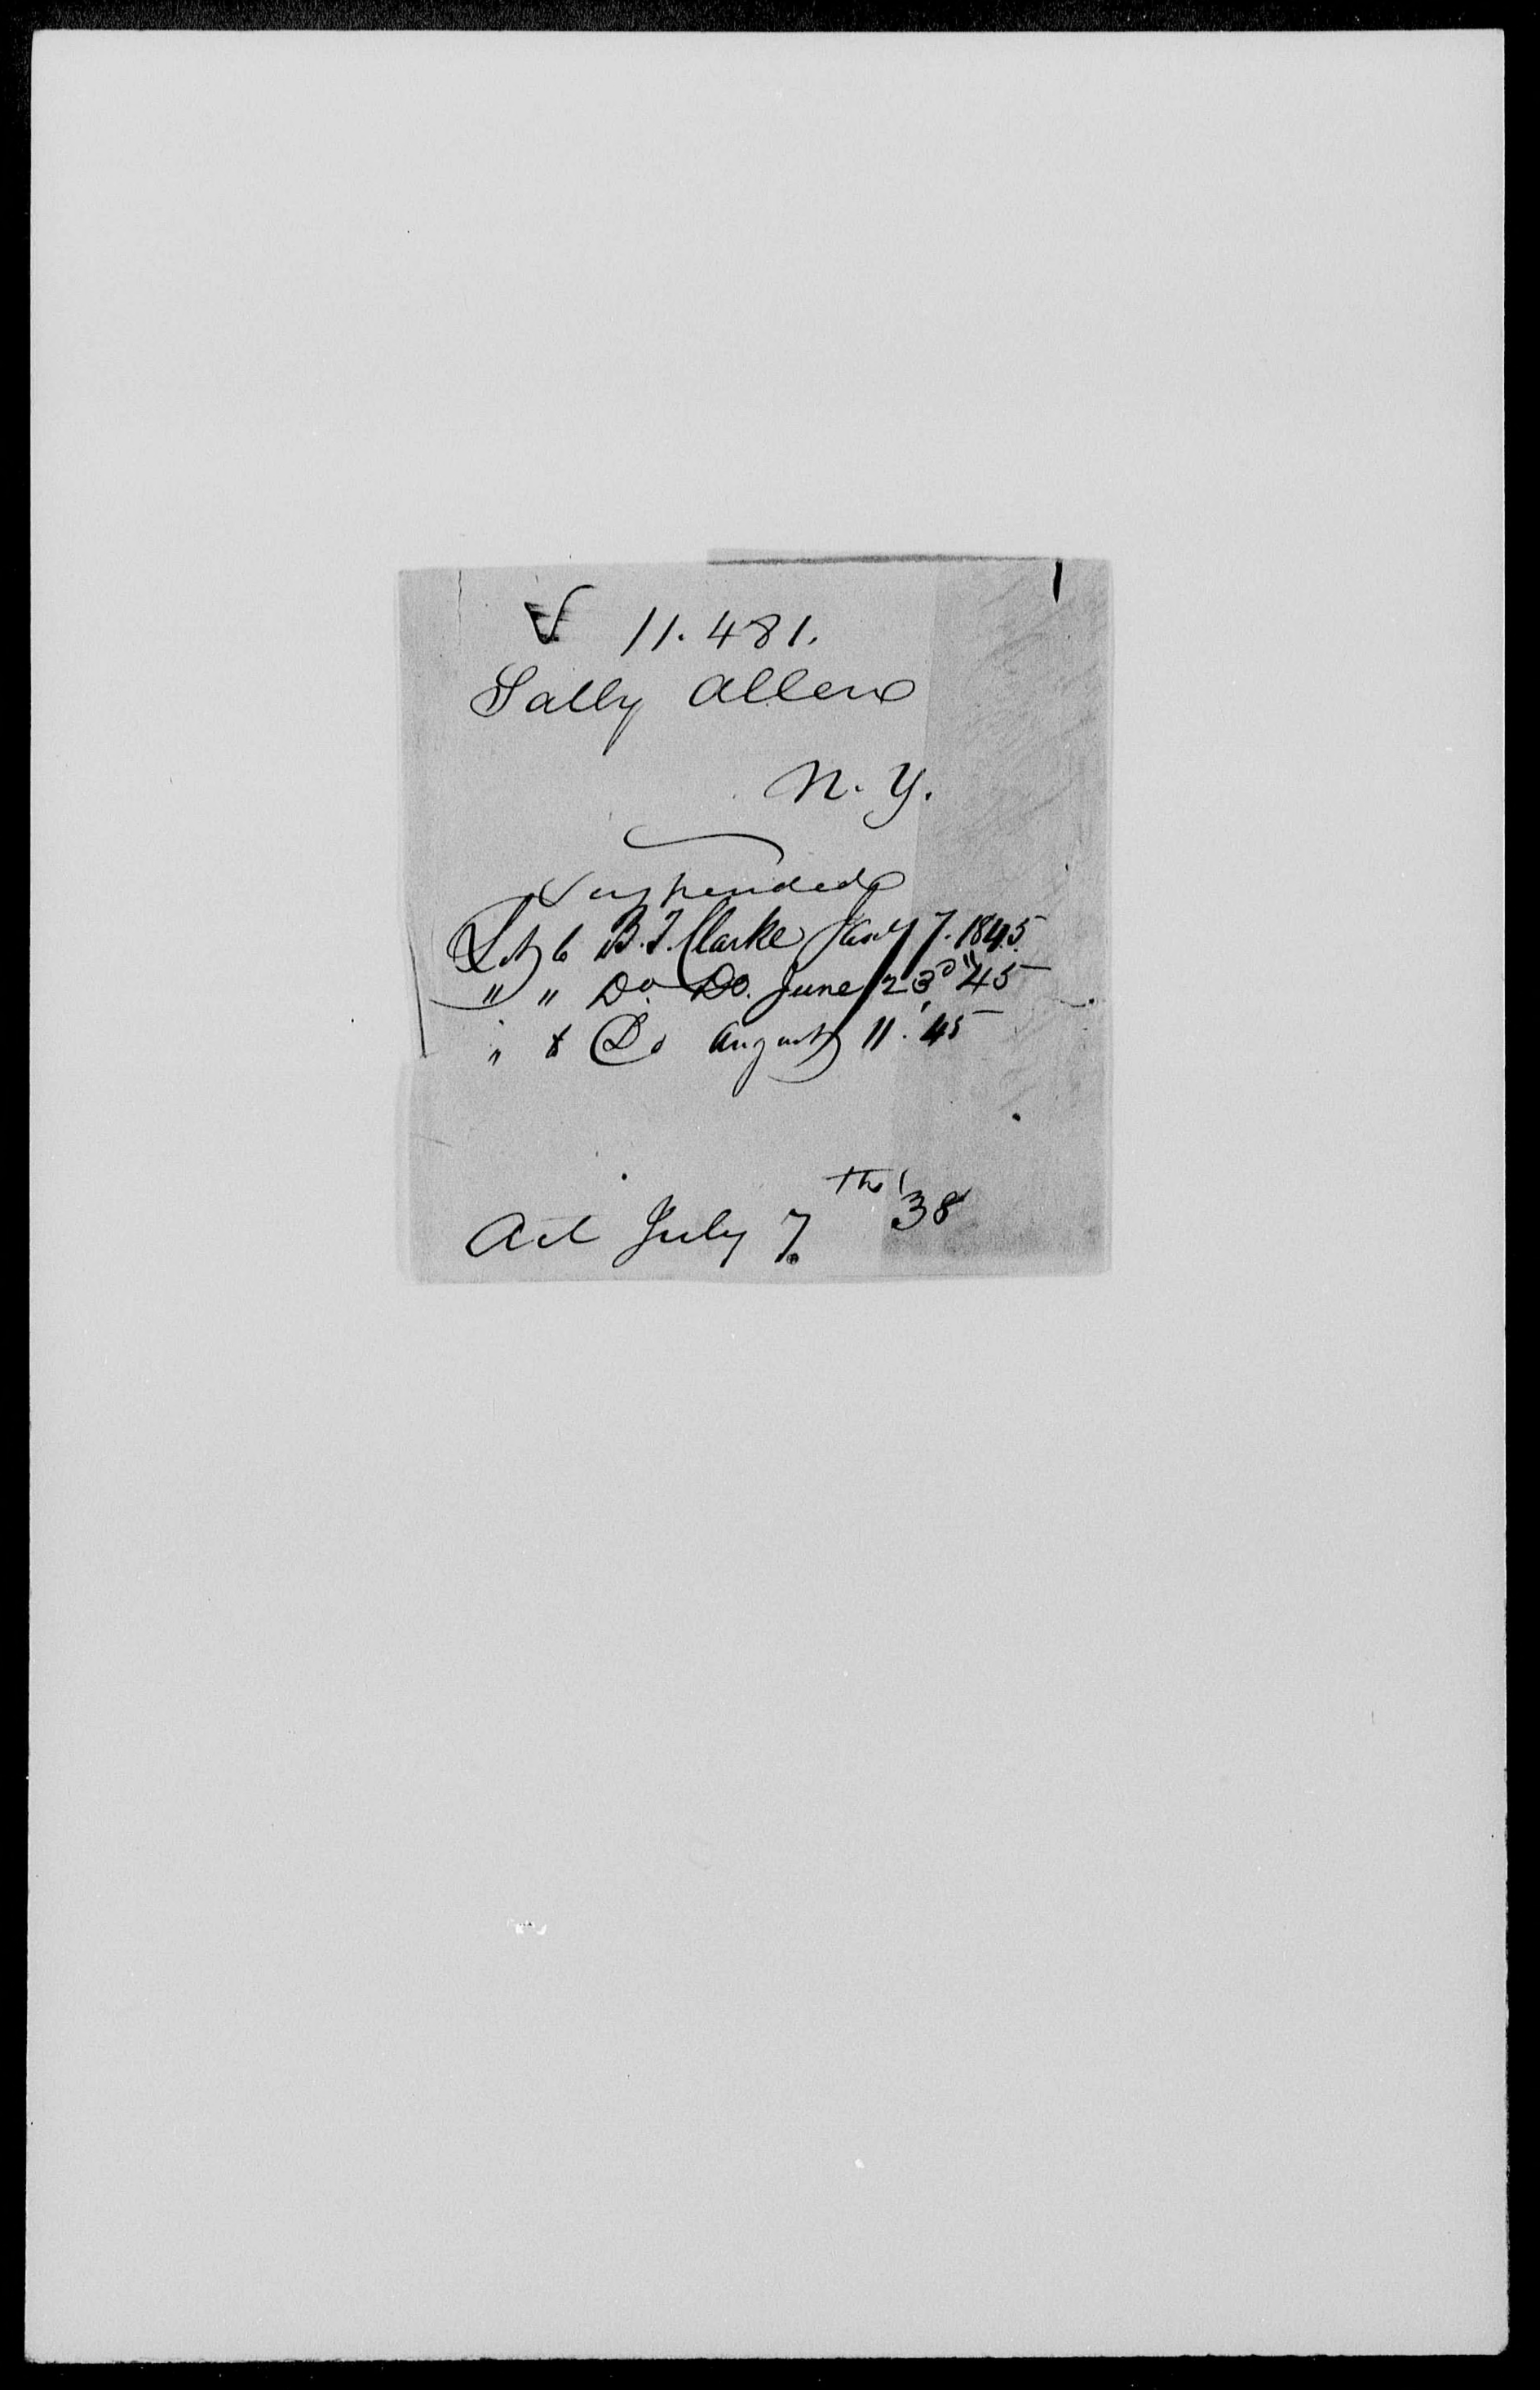11.481
Sally Allen
N. Y
Suspended
Sent to B. T. Clarke Jany 7. 1845
"         “ [illegible] June 23rd ‘45
“         “ [illegible] August 11 ‘45
Act July 7th ‘38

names: Sally Allen, B T Clarke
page: 38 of 74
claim: widow's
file: W. 23424, John Allen, Mass. R. I.